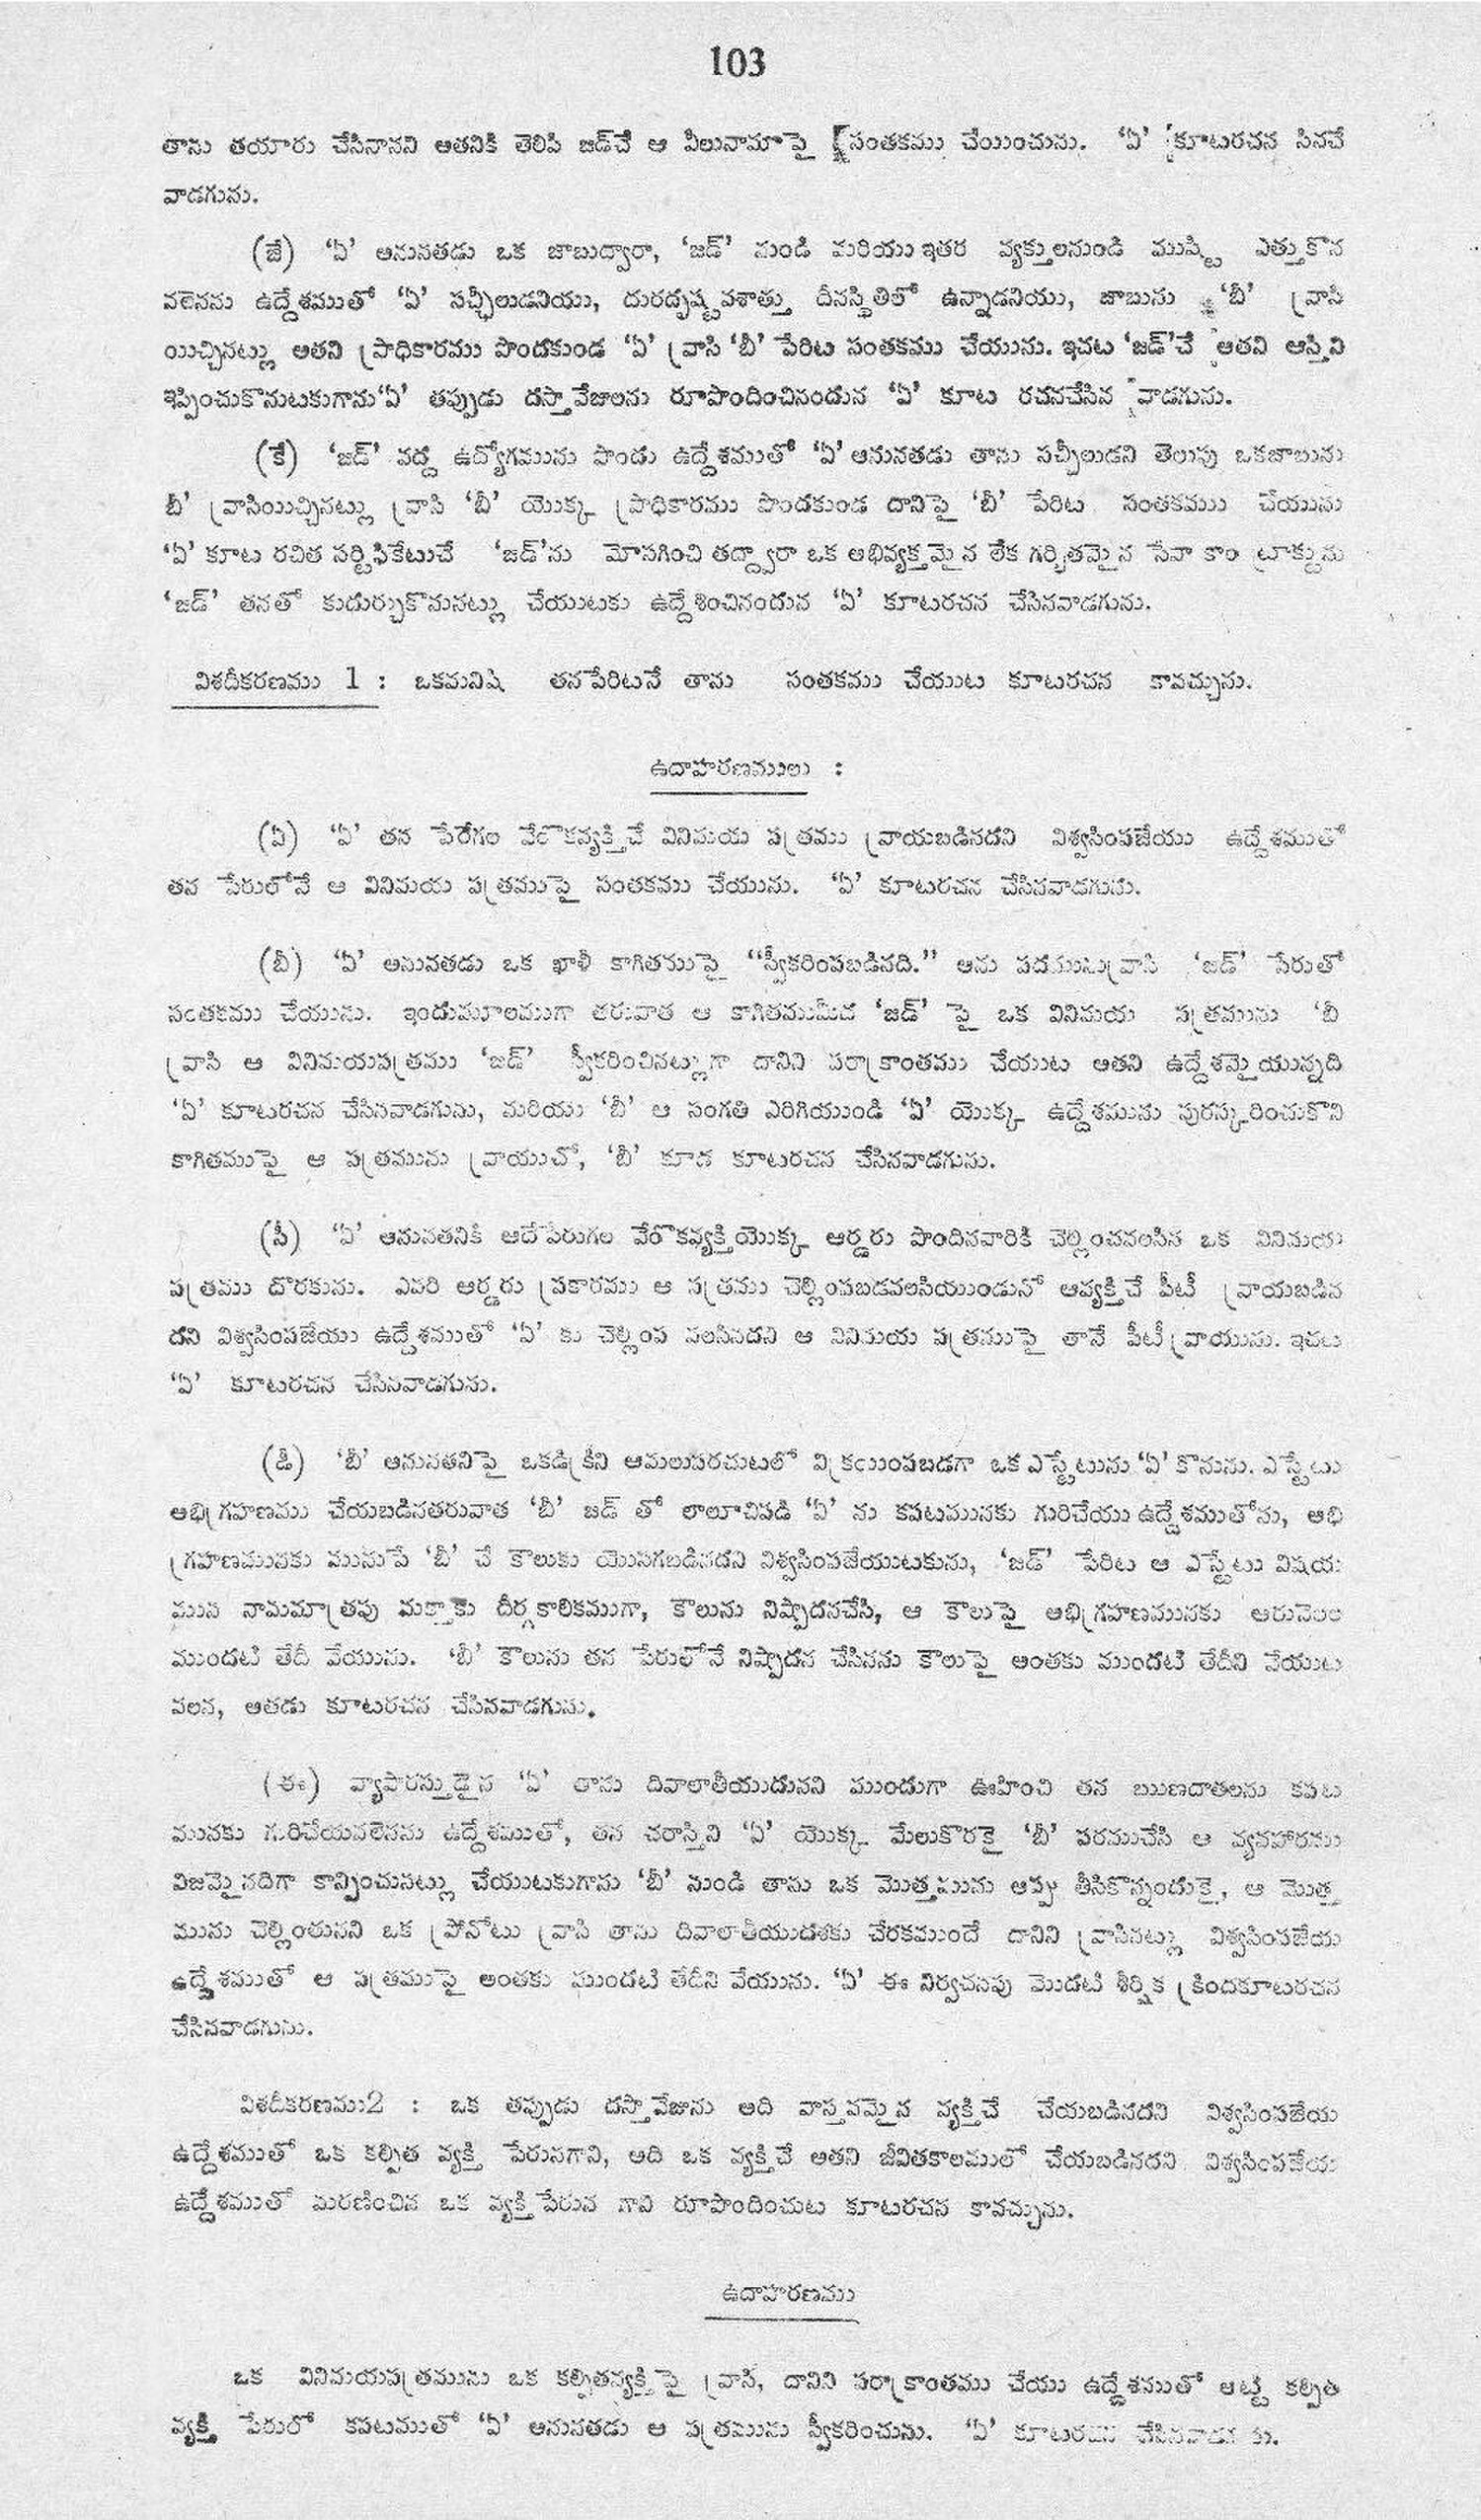తాను తయారు చేసినానని అతనికి తెలిపి 'జడ్' చే ఆ వీలునామా పై సంతకము చేయించును. 'ఏ' కూటరచన చేసినవాడగును.

(జే) 'ఏ' అనునతడు ఒక జాబుద్వారా, 'జడ్' నుండి మరియు ఇతర వ్యక్తు లనుండి ముష్టి ఎత్తు కొనవలెనను ఉద్దేశముతో 'ఏ' సచ్ఛీలుడనియు, దురదృష్టవశాత్తు దీనస్థితిలో ఉన్నాడనియు, జాబును 'బీ' వ్రాసి యిచ్చినట్లు అతని ప్రాధికారము పొందకుండ 'ఏ' వ్రాసి 'బీ' పేరిట సంతకము చేయును. ఇచట 'జడ్'చే 'అతని ఆస్తిని ఇప్పించుకొనుటకుగాను 'ఏ' తప్పుడు దస్తా వేజులను రూపొందించినందున 'ఏ' కూట రచన చేసిన వాడగును.

(కే) 'జడ్' వద్ద ఉద్యోగమును పొందు ఉద్దేశముతో 'ఏ' అనునతడు. తాను సచ్చీలుడని తెలుసు ఒకజాబును 'బీ' వ్రాసియిచ్చినట్లు వ్రాసి 'బీ' యొక్క ప్రాధికారము పొందకుండ దాని పై 'బీ' పేరిట సంతకము చేయును 'ఏ' కూట రచిత సర్టిఫికేటుచే 'జడ్'ను మోసగించి తద్వారా ఒక అభివ్యక్తమైన లేక గర్భితమైన సేవా కాంట్రాక్టును 'జడ్' తనతో కుదుర్చుకొనునట్లు చేయుటకు ఉద్దేశించినందున 'ఏ' కూటరచన చేసినవాడగును.

విశదీకరణము 1: ఒకమనిషి తన పేరిటనే తాను సంతకము చేయుట కూట రచన కావచ్చును.

(ఏ) 'ఏ' తన పేరేగల వేరొక వ్యక్తి చే వినిమయ పత్రము వ్రాయబడినదని విశ్వసింపజేయు ఉద్దేశముతో తన పేరులోనే ఆ వినిమయ పత్రము పై సంతకము చేయును. 'ఏ' కూటరచన చేసినవాడగును.

(బీ) 'ఏ' అనునతడు ఒక ఖాళీ కాగితము పై "స్వీకరింపబడినది.” అను పదమును వ్రాసి 'జడ్' పేరుతో సంతకము చేయును. ఇందుమూలముగా తరువాత ఆ కాగితముమీద 'జడ్' పై ఒక వినిమయ పత్రమును 'బీ' వ్రాసి ఆ వినిమయపత్రము 'జడ్' స్వీకరించినట్లుగా దాన్ని పరాక్రాంతము చేయుట అతని ఉద్దేశమై యున్నది 'ఏ' కూటరచన చేసిన వాడగును, మరియు 'బీ' ఆ సంగతి ఎరిగియుండి 'ఏ' యొక్క ఉద్దేశమును పురస్కరించుకొని కాగితము పై ఆ పత్రమును వ్రాయుచో, 'బి' కూడ కూటరచన చేసినవాడగును.

(సీ) 'ఏ' అనునతనికి అదే పేరుగల వేరొక వ్యక్తి యొక్క ఆర్డరు పొందినవారికి చెల్లించవలసిన ఒక వినిమయ పత్రము దొరకును.
ఎవరి ఆర్డరు ప్రకారము ఆ పత్రము చెల్లింపబడవలసియుండునో ఆవ్యక్తి చే పీటీ వ్రాయబడినదని విశ్వసింపజేయు ఉద్దేశముతో 'ఏ' కు చెల్లింప వలసినదని ఆ వినిమయ పత్రము పై తానే పీటీ వ్రాయును. ఇచట 'ఏ' కూటరచన చేసినవాడగును.

(డీ) 'బి' ఆనునతని పై ఒకడిక్రీని అమలు పరచుటలో విక్రయింపబడగా ఒక ఎస్టేటును ఏ' కొనును. ఎస్టేటు అభి గ్రహణము చేయబడిన తరువాత 'బీ' 'జడ్' తో లాలూచిపడి 'ఏ' ను కపటమునకు గురిచేయు ఉద్దేశముతోను, అభిగ్రహణమునకు మునుపే 'బీ' చే కౌలుకు యొసగబడి దని విశ్వసింపజేయుటకును, 'జడ్' పేరిట ఆ ఎస్టేటు విషయమున నామమాత్రపు మక్తాకు దీర్ఘ కాలికముగా, కౌలును నిష్పాదనచేసి, ఆ కౌలుపై అభి గ్రహణమునకు ఆరునెలల ముందటి తేదీ వేయును. 'బీ' కొలును తన పేరులోనే నిష్పాదన చేసినను కౌలు పై అంతకు ముందటి తేదీని వేయుట వలన, అతడు కూటరచన చేసినవాడగును.

(ఈ) వ్యాపారస్తు డైన 'ఏ' తాను దివాలా తీయుదునని ముందుగా ఊహించి తన ఋణదాతలను కపటమునకు గురిచేయవలెనను ఉద్దేశములో, తన చరాస్తి ని 'ఏ' యొక్క. మేలుకొరకై 'బీ' పరముచేసి ఆ వ్యవహారము నిజమై నదిగా కాన్పించునట్లు చేయుటకుగాను 'బీ' నుండి తాను ఒక మొత్త మును అప్పు తీసికొన్నందుకై , ఆ మొత్తమును చెల్లింతునని ఒక ప్రోనోటు వ్రాసి తాను దివాలా తీయు దశకు చేరకముందే దానిని వ్రాసినట్లు విశ్వసింపజేయ ఉద్దేశముతో పత్రము పై అంతకు ముందటి తేదీని వేయును. 'ఏ' ఈ నిర్వచనపు మొదటి శీర్షిక క్రింద కూటరచన చేసినవాడగును.

విశదీకరణము 2 : ఒక తప్పుడు దస్తా వేజును ఆది వాస్తవమైన వ్యక్తి చే చేయబడినదని విశ్వసింపజేయు ఉద్దేశముతో ఒక కల్పిత వ్యక్తి పేరునగాని, అది ఒక వ్యక్తి చే అతని జీవితకాలములో చేయబడినదని విశ్వసింపజేయు ఉద్దేశముతో మరణించిన ఒక వ్యక్తి పేరున గాని రూపొందించుట కూటరచన కావచ్చును.

ఒక వినిమయపత్రమును ఒక కల్పితవ్యక్తి పై వ్రాసి, దానిని పరాక్రాంతము చేయు ఉద్దేశముతో అట్టి కల్పిత వ్యక్తి పేరులో కపటముతో 'ఏ' అనునతడు ఆ పత్రమును స్వీకరించును. 'ఏ' కూటరచన చేసినవాడగును.